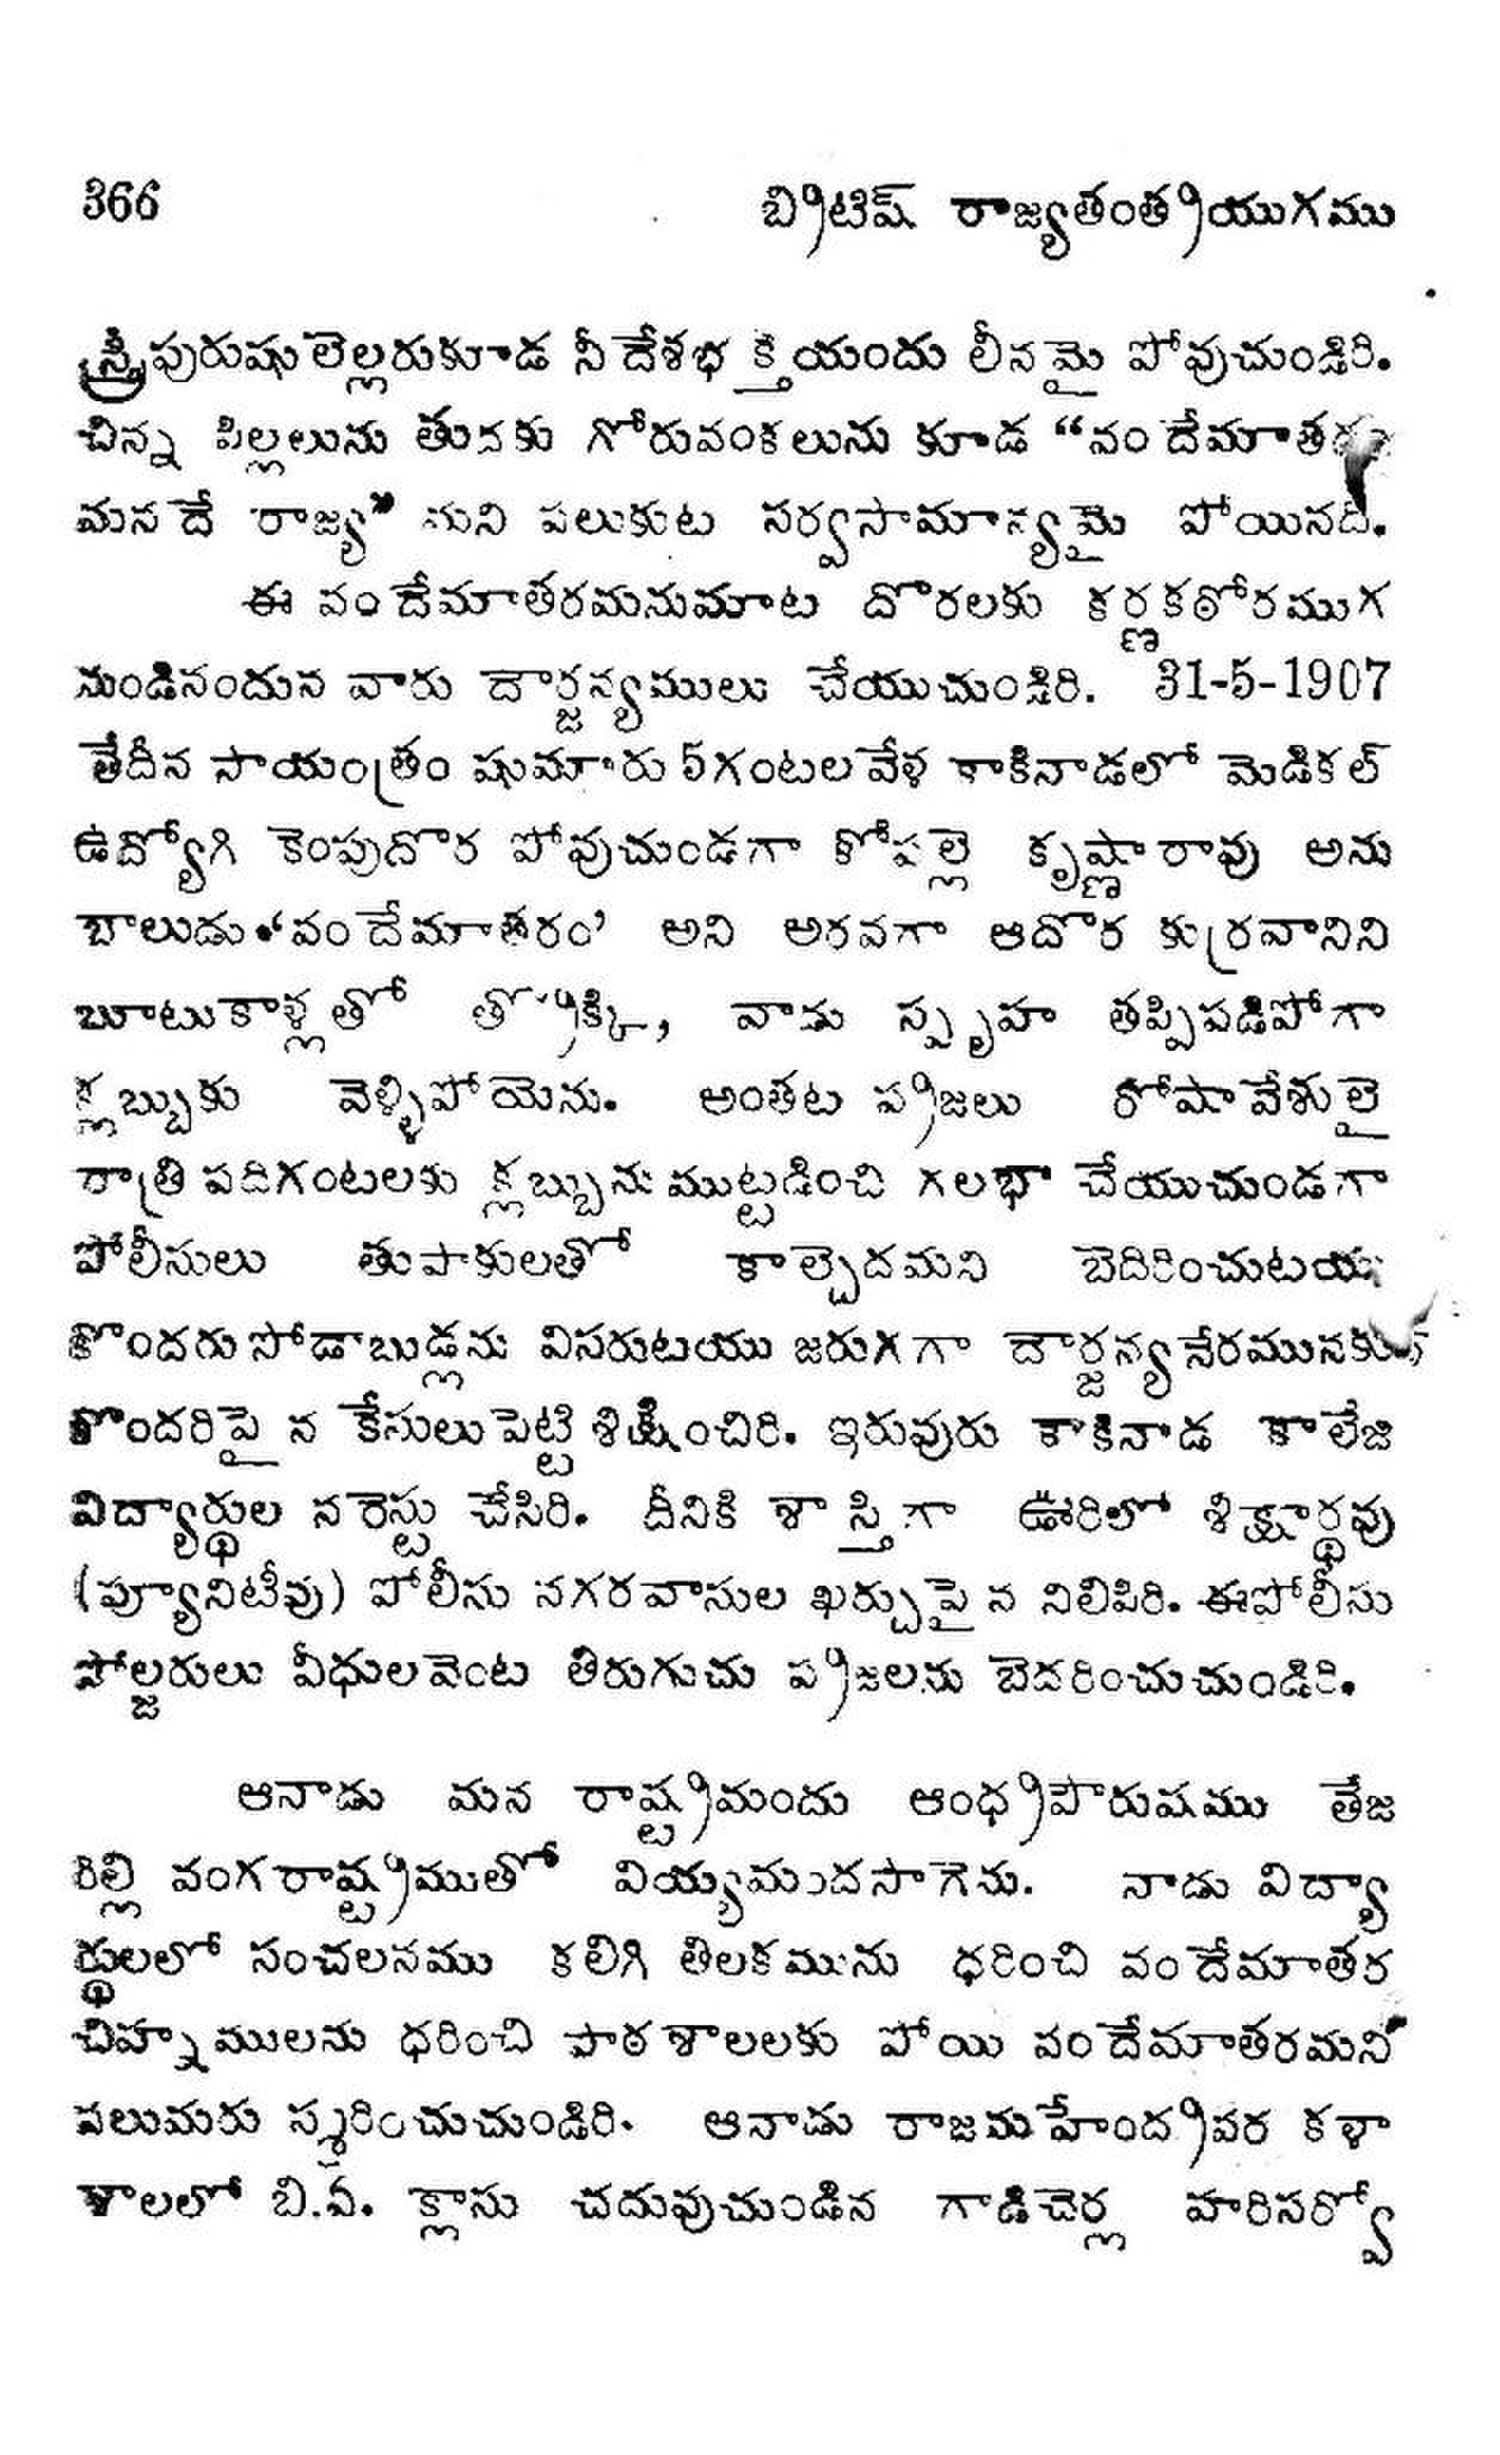స్త్రీపురుషులెల్లరుకూడ నీదేశభక్తియందు లీనమై పోవుచుండిరి. చిన్న పిల్లలును తుదకు గోరువంకలును కూడ “వందేమాతరం మనదే రాజ్య" మని పలుకుట సర్వసామాన్యమై పోయినది.

ఈ వందేమాతరమనుమాట దొరలకు కర్ణకఠోరముగ నుండినందున వారు దౌర్జన్యములు చేయుచుంరి. 31-5-1907 తేదీన సాయంత్రం షుమారు 5గంటలవేళ కాకినాడలో మెడికల్ ఉద్యోగి కెంపుదొర పోవుచుండగా కోపల్లె కృష్ణారావు అను బాలుడు 'వందేమాతరం' అని అరవగా ఆదొర కుర్రవానిని బూటుకాళ్లతో త్రొక్కి, వాడు స్పృహ తప్పిపడిపోగా క్లబ్బుకు వెళ్ళిపోయెను. అంతట ప్రజలు రోషావేశులై రాత్రిపదిగంటలకు క్లబ్బును ముట్టడించి గలభా చేయుచుండగా పోలీసులు తుపాకులతో కాల్చెదమని బెదిరించుటయు కొందరుసోడాబుడ్లను విసరుటయు జరుగగా దౌర్జన్య నేరమునకు కొందరిపైన కేసులుపెట్టి శిక్షించిరి. ఇరువురు కాకినాడ కాలేజి విద్యార్థుల నరెస్టు చేసిరి. దీనికి శాస్తిగా ఊరిలో శిక్షార్థవు (ప్యూనిటీవు) పోలీసు నగరవాసుల ఖర్చుపైన నిలిపిరి. ఈపోలీసు సోల్జరులు వీధులవెంట తిరుగుచు ప్రజలను బెదరించుచుండిరి.

ఆనాడు మన రాష్ట్రమందు ఆంధ్రపౌరుషము తేజరిల్లి వంగరాష్ట్రముతో వియ్యమందసాగెను. నాడు విద్యార్థులలో సంచలనము కలిగి తిలకమును ధరించి వందేమాతర చిహ్నములను ధరించి పాఠశాలలకు పోయి వందేమాతరమని పలుమరు స్మరించుచుండిరి. ఆనాడు రాజమహేంద్రవర కళాశాలలో బి.ఏ. క్లాసు చదువుచుండిన గాడిచెర్ల హరిసర్వో